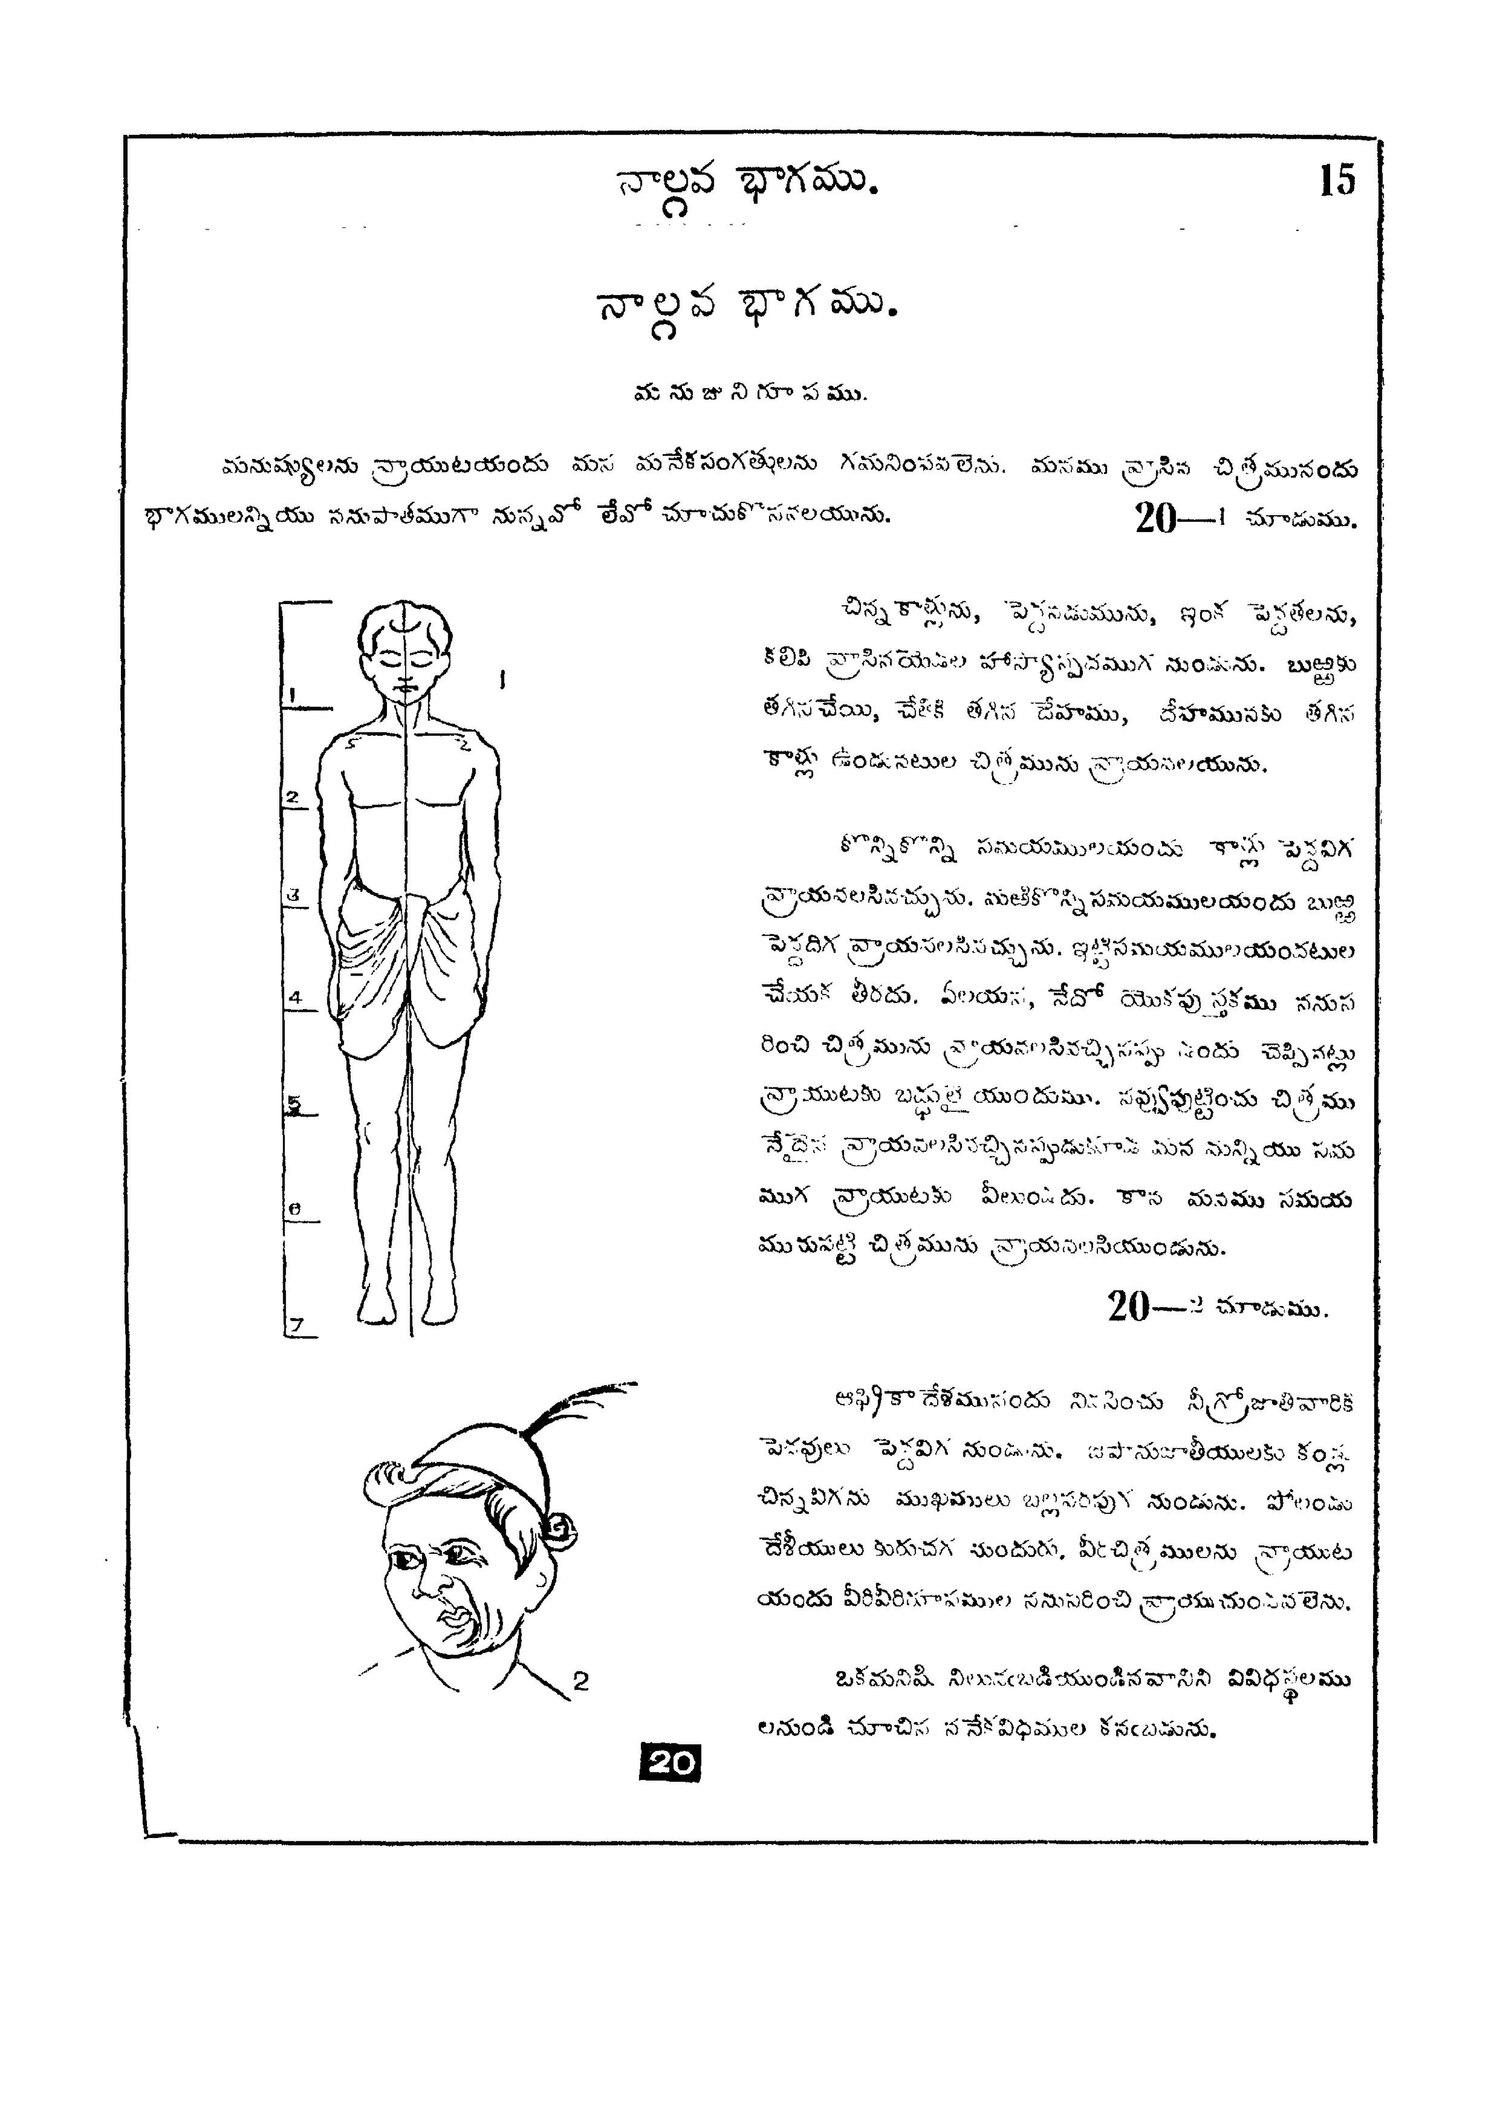మనుష్యులను వ్రాయుటయందు మన మనేకసంగతులను గమనింపవలెను. మనము వ్రాసిన చిత్రమునందు భాగములన్నియు ననుపాతముగా నున్నవో లేవో చూచుకొనవలయును. 20 - 1 చూడుము.

చిన్న కాళ్లును, పెద్దనడుమును, ఇంక పెద్దతలను, కలిపి వ్రాసినయెడల హాస్యాస్పదముగ నుండును. బుఱ్ఱకు తగినచేయి, చేతికి తగిన దేహము, దేహమునకు తగిన కాళ్లు ఉండునటుల చిత్రమును వ్రాయవలయును.

కొన్నికొన్ని సమయములయందు కాళ్లు పెద్దవిగ వ్రాయవలసివచ్చును. మఱికొన్ని సమయములయందు బుఱ్ఱ పెద్దదిగ వ్రాయవలసివచ్చును. ఇట్టిసమయములయందటుల చేయక తీరదు. ఏలయన, నేదో యొకపుస్తకము ననుసరించి చిత్రమును వ్రాయవలసివచ్చినప్పు డందు చెప్పినట్లు వ్రాయుటకు బద్ధులైయుందుము. నవ్వుపుట్టించు చిత్రము నేదైన వ్రాయవలసివచ్చినప్పుడుకూడ మన మన్నియు సమముగ వ్రాయుటకు వీలుండదు. కాన మనము సమయమునుపట్టి చిత్రమును వ్రాయవలసియుండును. 20 - 2 చూడుము.

ఆఫ్రికాదేశమునందు నివసించు నీగ్రోజాతివారికి పెదవులు పెద్దవిగ నుండును. జపానుజాతీయులకు కండ్లు చిన్నవిగను ముఖములు బల్లపరపుగ నుండును. పోలండు దేశీయులు కురుచుగ నుందురు. వీరిచిత్రములను వ్రాయుట యందు వీరివీరిరూపముల ననుసరించి వ్రాయచుండవలెను.

ఒకమనిషి నిలువబడియుండినవానిని వివిధస్థలములనుండి చూచిన ననేకవిధముల కనబడును.